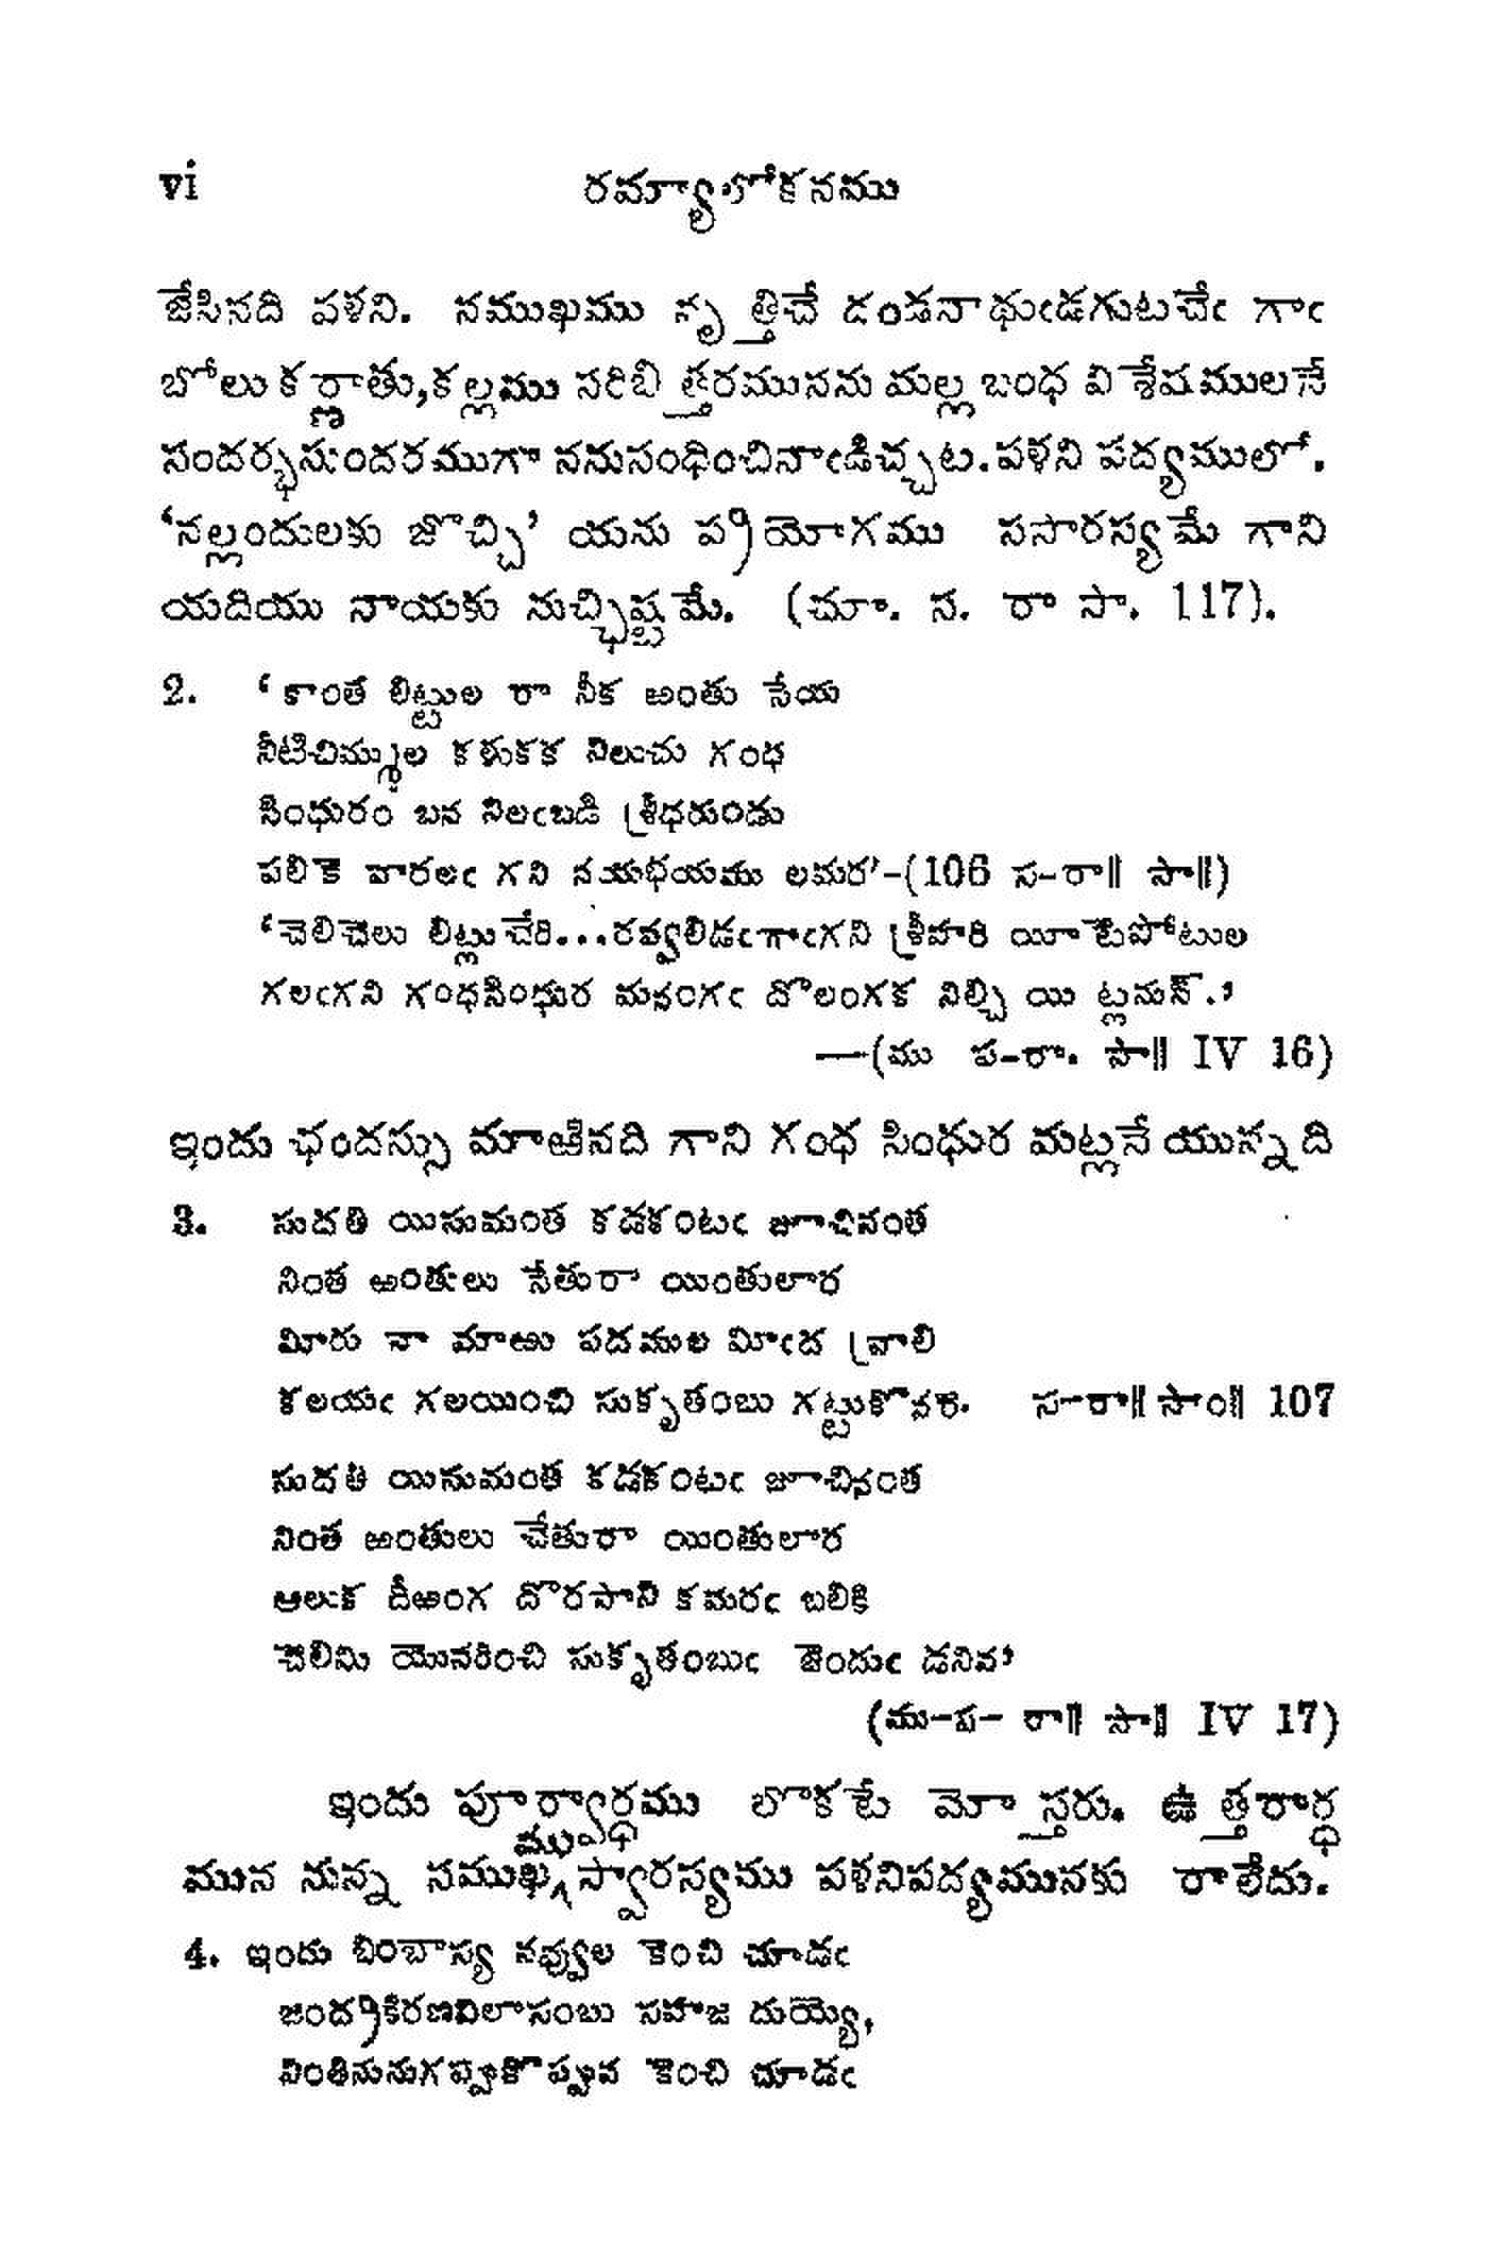జేసినది పళని. సముఖము వృత్తిచే దండనాథుఁడగుటచే గాఁబోలు కర్ణాతు, కల్లము, సరిబిత్తరము లను మల్లబంధవిశేషములనే సందర్భసుందరముగా ననుసంధించినాఁడిచ్చట. పళని పద్యములో ‘నల్లందులకు జొచ్చి’ యనుప్రయోగము ససారస్యమే గాని యదియు నాయకు నుచ్ఛిష్టమే. (చూ.స.రా.పా.117).

‘కాంత లిట్టుల రా నీక ఱంతు సేయ
నీటిచిమ్ముల కళుకక నిలుచు గంధ
సింధురం బన నిలఁబడి శ్రీధరుండు
పలికె వారలఁగని నయభయము లమర’-(106 స-రా పా)

‘చెలిచెలు లిట్లుచేరి....రవ్వలిడఁగాఁగని శ్రీహరి యీటెపోటుల
గలఁగని గంధసింధరు మనంగఁ దొలంగక నిల్చి యి ట్లనున్.’-(ము ప-రా. సా IV 16) 
ఇందు ఛందస్సు మాఱినది గాని గంధసింధుర మట్లనే యున్నది.

సుదతి యిసుమంత కడకంటఁ జూచినంత
నింత ఱంతులు సేతురా యింతులార
మీరు నా మాఱు పదముల మీఁద వ్రాలి
కలయఁ గలయించి సుకృతంబు గట్టుకొనరె. స-రా, సాం. 107

సుదతి యిసుమంత కడకంటఁ జూచినంత
నింత ఱంతులు చేతురా యింతులార
అలుక దీఱంగ దొరసాని కమరఁ బలికి
చెలిమి యొనరించి సుకృతంబుఁ జెందుఁ డనిన. (ము ప-రా. సా IV 17) 
ఇందు పూర్వార్ధము లొకటే మోస్తరు. ఉత్తరార్ధమున నున్న సముఖము స్వారస్యము పళనిపద్యమునకు రాలేదు.

ఇందుబింబాస్య నవ్వుల కెంచి చూడఁ
జంద్రకిరణవిలాసంబు సహజ మయ్యె,
నింతినునుగప్పుకొప్పున కెంచి చూడఁ